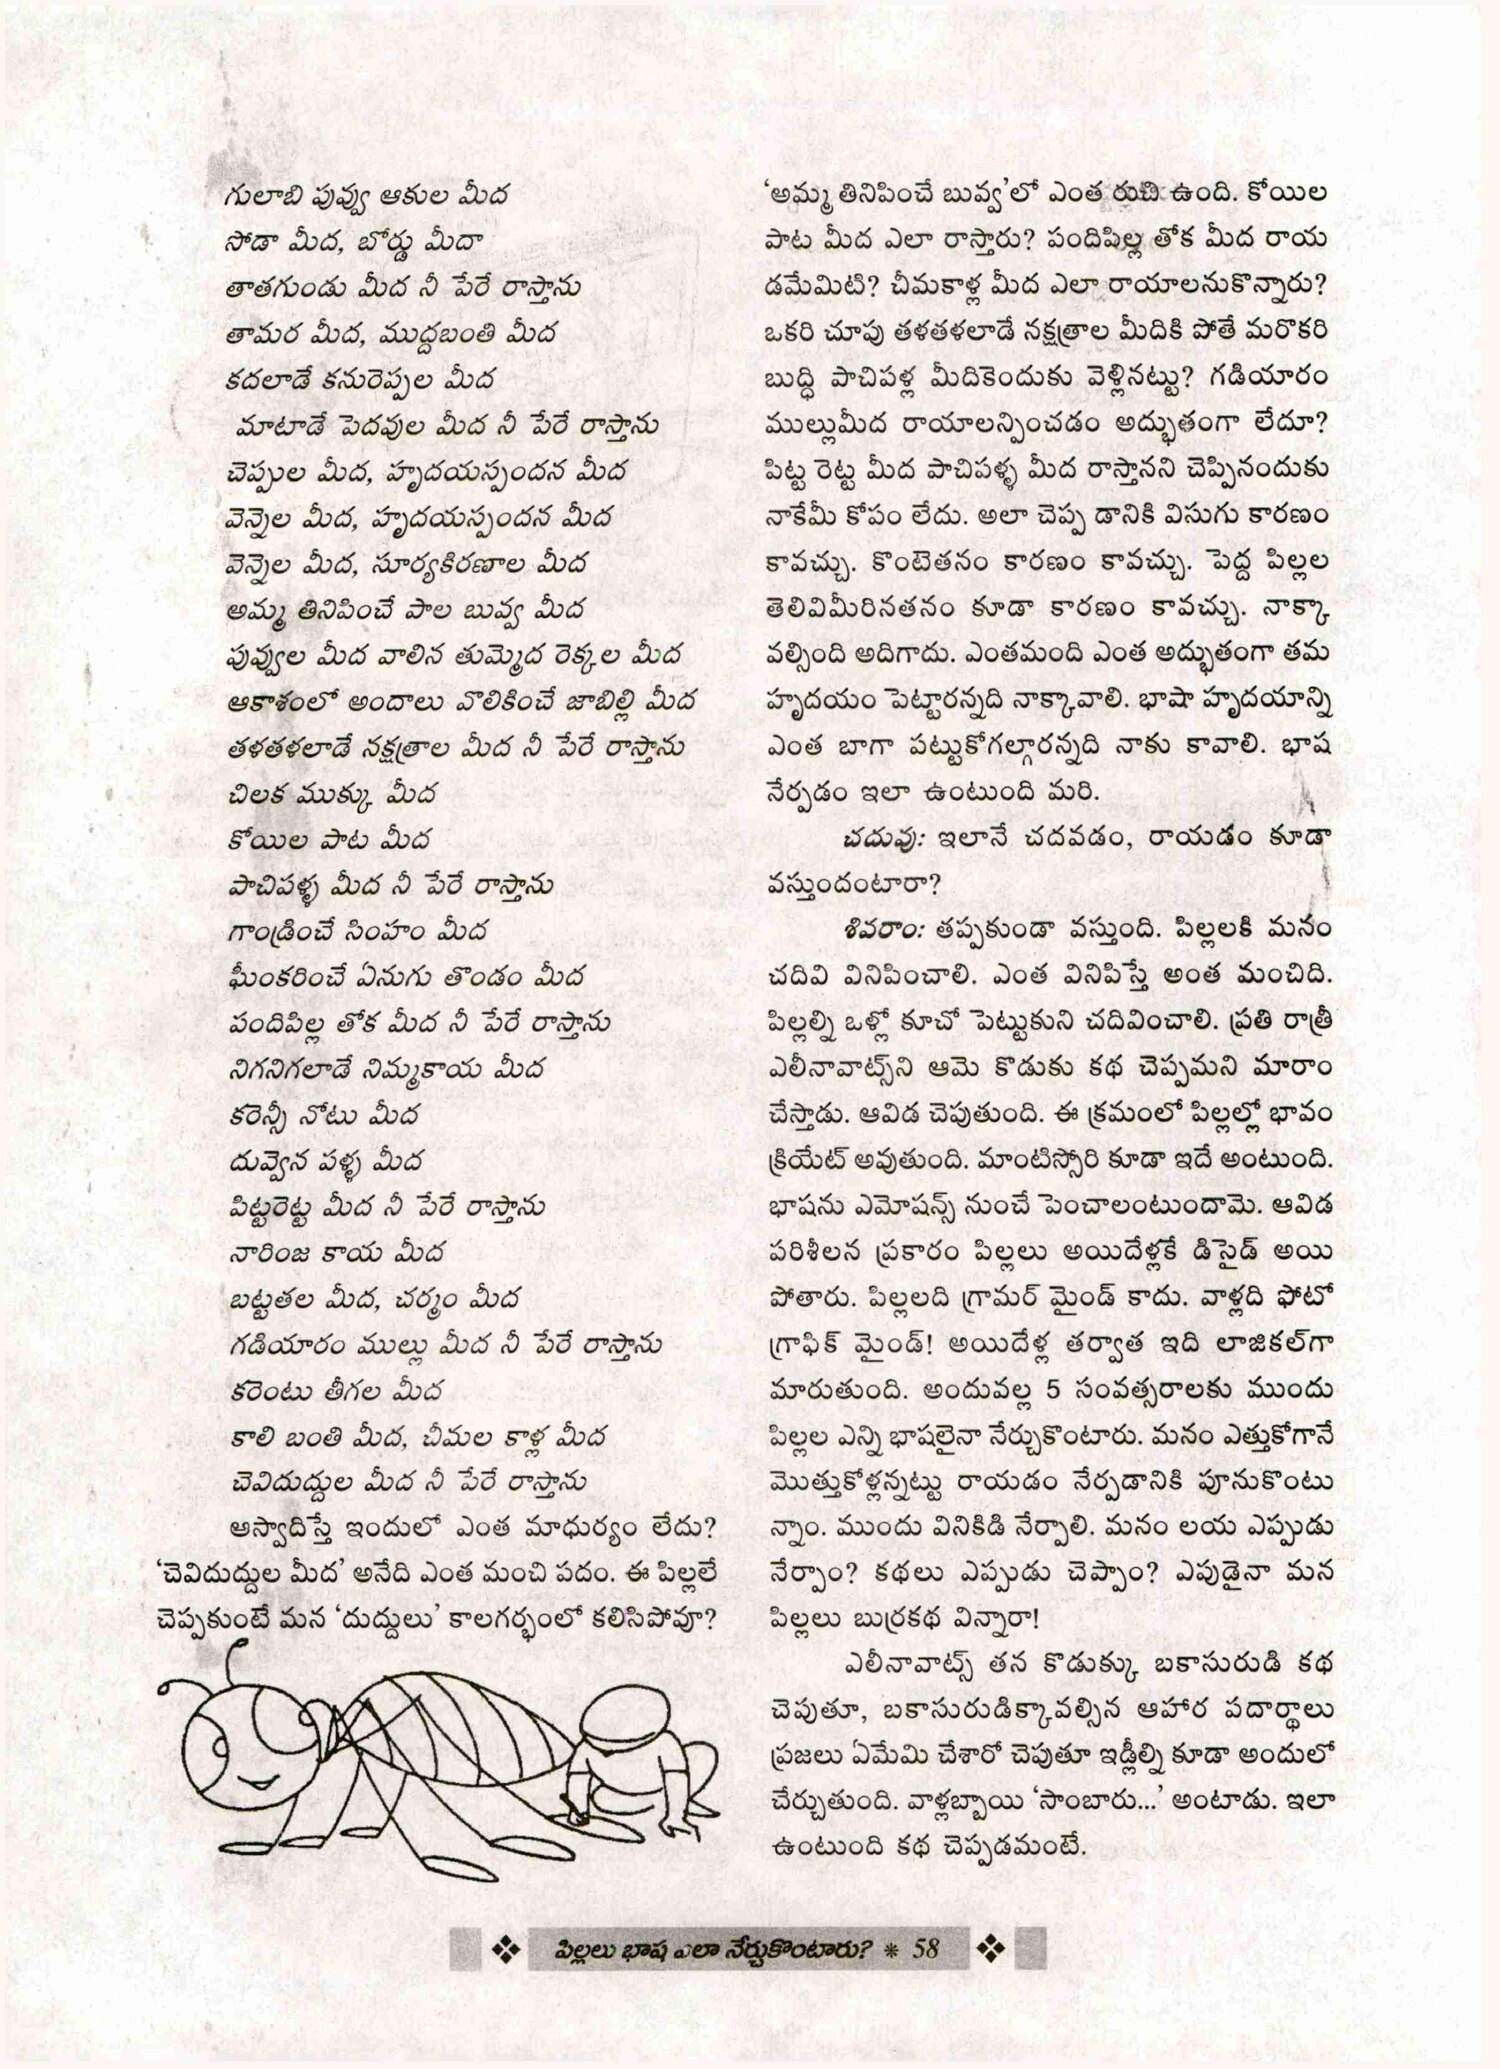గులాబి పువ్వు ఆకుల మీద

సోడా మీద, బోర్డు మీదా

తాతగుండు మీద నీ పేరే రాస్తాను

తామర మీద, ముద్దబంతి మీద

కదలాడే కనురెప్పల మీద

మాటాడే పెదవుల మీద నీ పేరే రాస్తాను

చెప్పుల మీద, హృదయస్పందన మీద

వెన్నెల మీద, హృదయస్పందన మీద

వెన్నెల మీద, సూర్యకిరణాల మీద

అమ్మ తినిపించే పాల బువ్వ మీద

పువ్వుల మీద వాలిన తుమ్మెద రెక్కల మీద

ఆకాశంలో అందాలు వొలికించే జాబిల్లి మీద

తళతళలాడే నక్షత్రాల మీద నీ పేరే రాస్తాను

చిలక ముక్కు మీద

కోయిల పాట మీద

పాచిపళ్ళ మీద నీ పేరే రాస్తాను

గాండ్రించే సింహం మీద

ఘీంకరించే ఏనుగు తొండం మీద

పందిపిల్ల తోక మీద నీ పేరే రాస్తాను

నిగనిగలాడే నిమ్మకాయ మీద

కరెన్సీ నోటు మీద

దువ్వెన పళ్ళ మీద

పిట్టరెట్ట మీద నీ పేరే రాస్తాను

నారింజ కాయ మీద

బట్టతల మీద, చర్మం మీద

గడియారం ముల్లు మీద నీ పేరే రాస్తాను

కరెంటు తీగల మీద

కాలి బంతి మీద, చీమల కాళ్ల మీద

చెవిదుద్దుల మీద నీ పేరే రాస్తాను

అస్వాదిస్తే ఇందులో ఎంత మాధుర్యం లేదు? ‘చెవిదుద్దుల మీద' అనేది ఎంత మంచి పదం. ఈ పిల్లలే
చెప్పకుంటే మన ‘దుద్దులు' కాలగర్భంలో కలిసిపోవూ?

'అమ్మ తినిపించే బువ్వ'లో ఎంత రుచి ఉంది. కోయిల పాట మీద ఎలా రాస్తారు? పందిపిల్ల తోక మీద రాయడమేమిటి? చీమకాళ్ల మీద ఎలా రాయాలనుకొన్నారు? ఒకరి చూపు తళతళలాడే నక్షత్రాల మీదికి పోతే మరొకరి బుద్ధి పాచిపళ్ల మీదికెందుకు వెళ్లినట్టు? గడియారం ముల్లుమీద రాయాలన్పించడం అద్భుతంగా లేదూ?
పిట్ట రెట్ట మీద పాచిపళ్ళ మీద రాస్తానని చెప్పినందుకు నాకేమీ కోపం లేదు. అలా చెప్ప డానికి విసుగు కారణం కావచ్చు. కొంటెతనం కారణం కావచ్చు. పెద్ద పిల్లల తెలివిమీరినతనం కూడా కారణం కావచ్చు. నాక్కావల్సింది అదిగాదు. ఎంతమంది ఎంత అద్భుతంగా తమ హృదయం పెట్టారన్నది నాక్కావాలి. భాషా హృదయాన్ని ఎంత బాగా పట్టుకోగల్గారన్నది నాకు కావాలి. భాష నేర్పడం ఇలా ఉంటుంది మరి.

చదువు: ఇలానే చదవడం, రాయడం కూడా వస్తుందంటారా?

శివరాం: తప్పకుండా వస్తుంది. పిల్లలకి మనం చదివి వినిపించాలి. ఎంత వినిపిస్తే అంత మంచిది. పిల్లల్ని ఒళ్లో కూచో పెట్టుకుని చదివించాలి. ప్రతి రాత్రీ ఎలీనావాట్స్‌ని ఆమె కొడుకు కథ చెప్పమని మారాం చేస్తాడు. ఆవిడ చెపుతుంది. ఈ క్రమంలో పిల్లల్లో భావం క్రియేట్ అవుతుంది. మాంటిస్సోరి కూడా ఇదే అంటుంది. భాషను ఎమోషన్స్ నుంచే పెంచాలంటుందామె. ఆవిడ పరిశీలన ప్రకారం పిల్లలు అయిదేళ్లకే డిసైడ్ అయి పోతారు. పిల్లలది గ్రామర్ మైండ్ కాదు. వాళ్లది ఫోటో గ్రాఫిక్ మైండ్! అయిదేళ్ల తర్వాత ఇది లాజికల్‌గా మారుతుంది. అందువల్ల 5 సంవత్సరాలకు ముందు పిల్లల ఎన్ని భాషలైనా నేర్చుకొంటారు. మనం ఎత్తుకోగానే మొత్తుకోళ్లన్నట్టు రాయడం నేర్పడానికి పూనుకొంటున్నాం. ముందు వినికిడి నేర్పాలి. మనం లయ ఎప్పుడు నేర్పాం? కథలు ఎప్పుడు చెప్పాం? ఎపుడైనా మన పిల్లలు బుర్రకథ విన్నారా!

ఎలీనావాట్స్ తన కొడుక్కు బకాసురుడి కథ చెపుతూ, బకాసురుడిక్కావల్సిన ఆహార పదార్థాలు ప్రజలు ఏమేమి చేశారో చెపుతూ ఇడ్లీల్ని కూడా అందులో చేర్చుతుంది. వాళ్లబ్బాయి 'సాంబారు...' అంటాడు. ఇలా ఉంటుంది కథ చెప్పడమంటే.